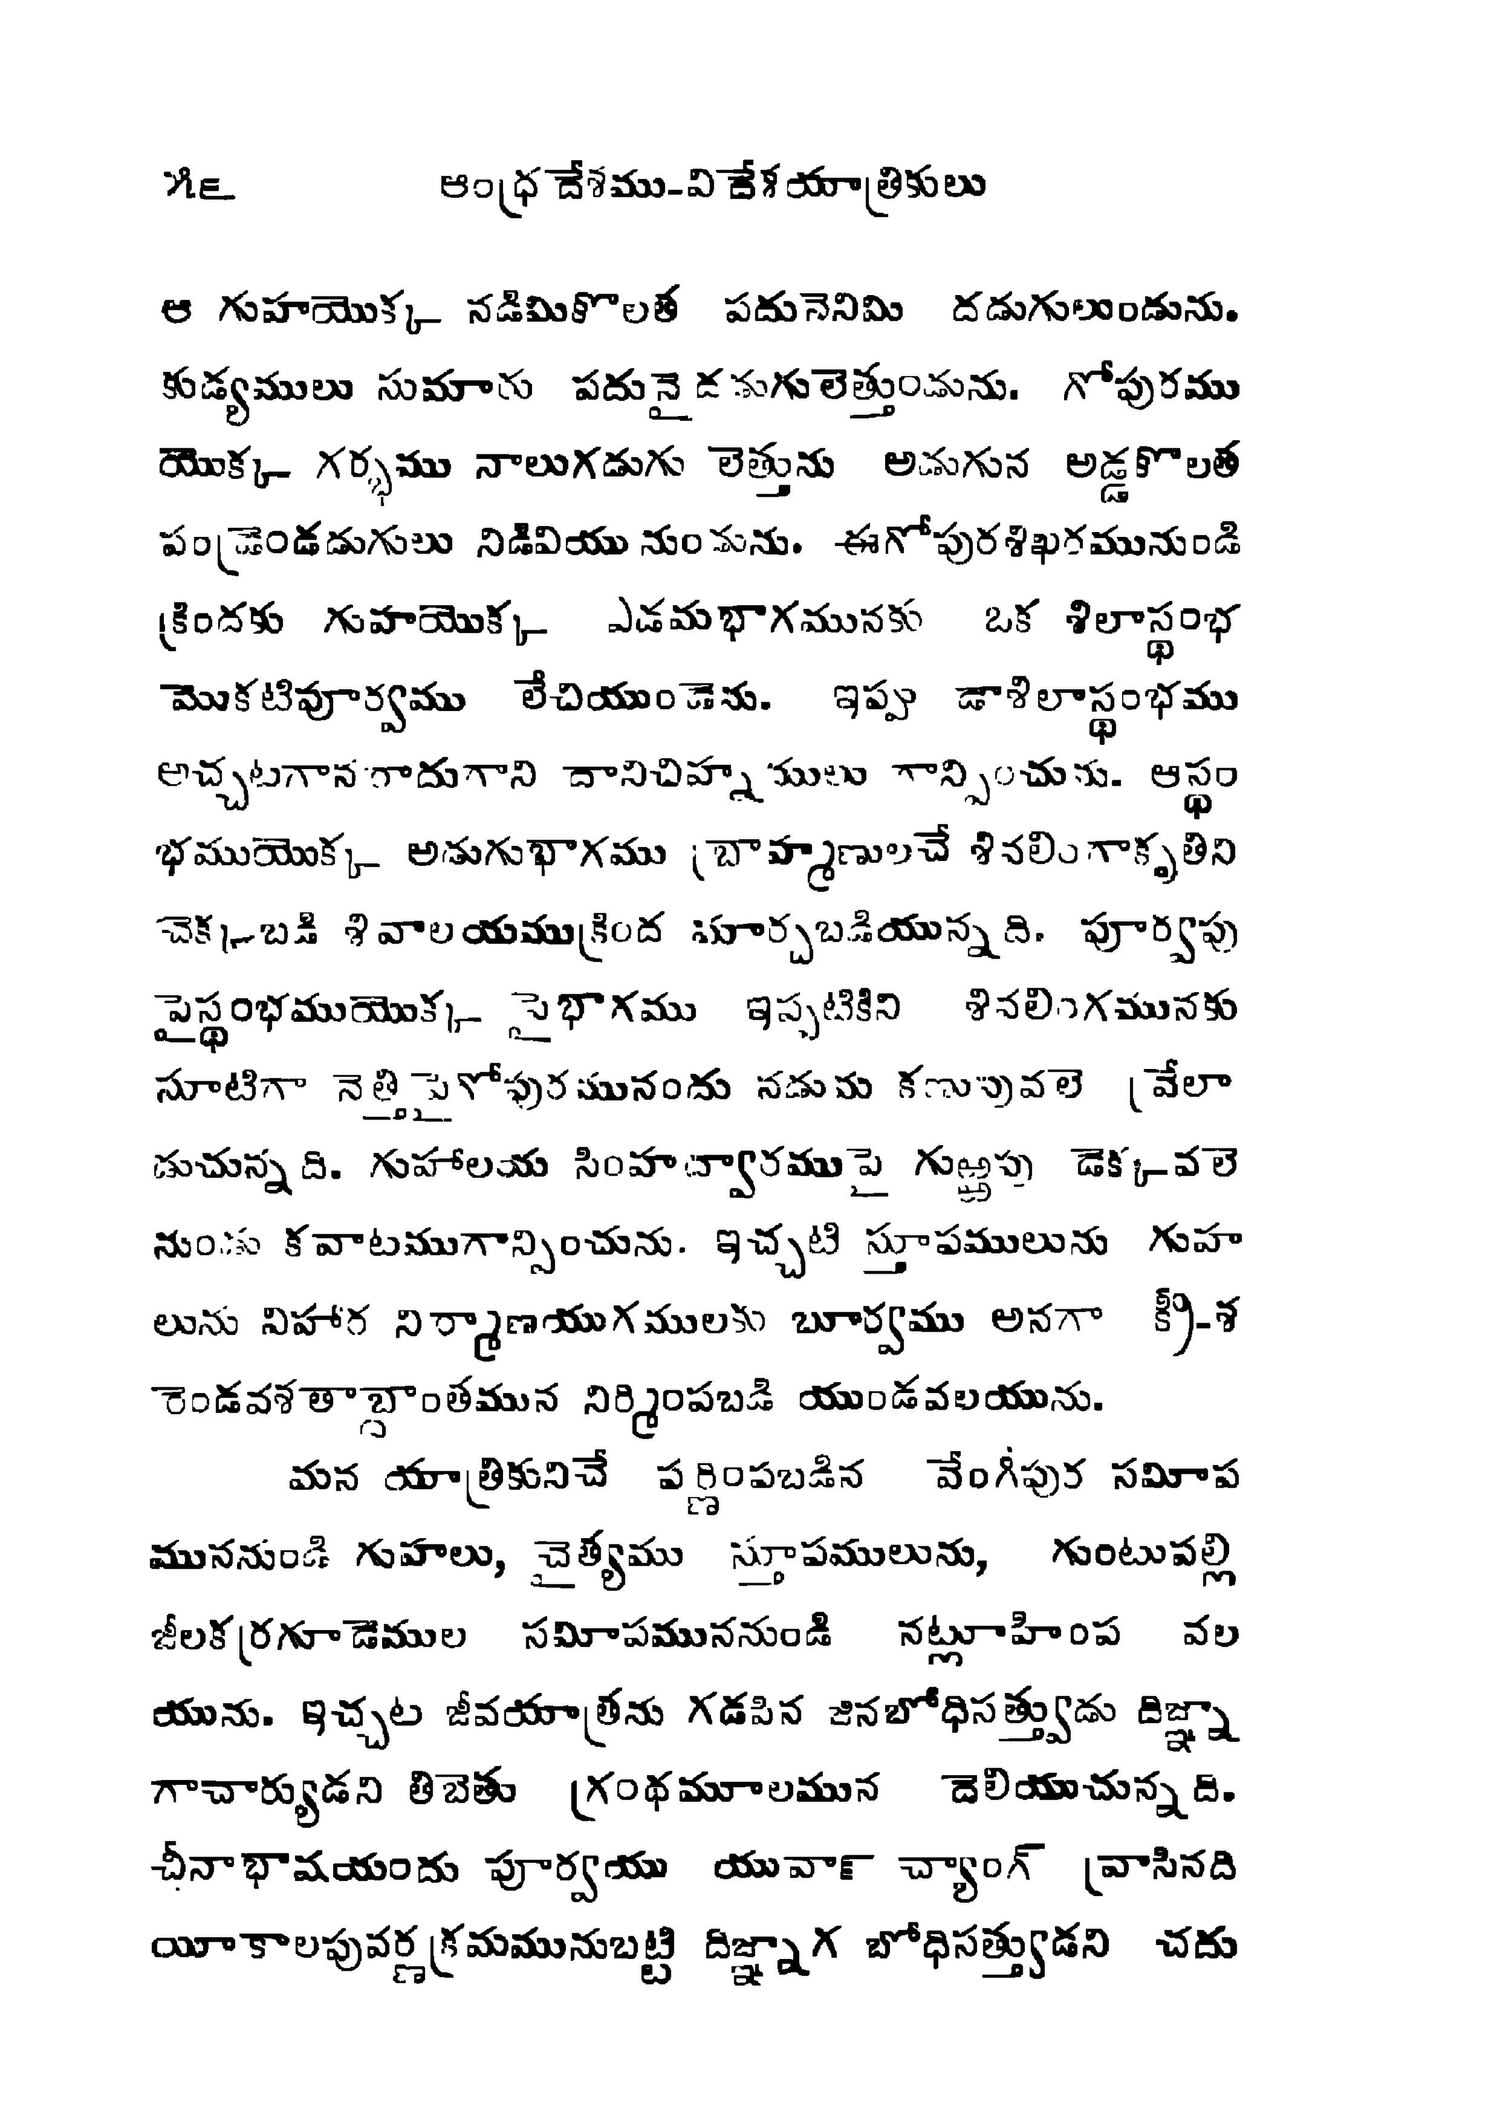ఆ గుహయొక్క నడిమికొలత పదునెనిమి దడుగులుండును. కుడ్యములు సుమారు పదునైదడుగులెత్తుండును. గోపురము యొక్క గర్భము నాలుగడుగు లెత్తును అడుగున అడ్డకొలత పండ్రెండడుగులు నిడివియు నుండును. ఈగోపుర శిఖరము నుండి క్రిందకు గుహయొక్క ఎడమభాగమునకు ఒక శిలాస్థంభమొకటి పూర్వము లేచియుండెను. ఇప్పు డాశిలాస్థంభము అచ్చటగానరాదు గాని దాని చిహ్నములు గాన్పించును. ఆస్థంభముయొక్క అడుగుభాగము బ్రాహ్మణులచే శివలింగాకృతిని చెక్కబడి శివాలయము క్రింద మార్చబడి యున్నది. పూర్వపు పైస్థంభము యొక్క పైభాగము ఇప్పటికిని శివలింగమునకు సూటిగా నెత్తిపైగోపురమునందు నడుమ కణువువలె వ్రేలాడుచున్నది. గుహాలయ సింహద్వారముపై గుఱ్ఱపు డెక్కవలె నుండు కవాటము గాన్పించును. ఇచ్చటి స్తూపములును గుహలును విహార నిర్మాణయుగములకు బూర్వము అనగా క్రీ.శ. రెండవశతాబ్దాంతమున నిర్మింపబడి యుండవలయును.

మన యాత్రికునిచే వర్ణింపబడిన వేంగీపుర సమీపమున నుండి గుహలు, చైత్యము స్తూపములును, గుంటుపల్లి జీలకర్రగూడెముల సమీపమున నుండి నట్లూహింప వలయును. ఇచ్చట జీవయాత్రను గడపిన జినబోధిసత్త్వుడు దిజ్ఞ్నా గాచార్యుడని తిబెతు గ్రంథమూలమున దెలియుచున్నది. చీనాభాషయందు పూర్వము యువాన్ చ్యాంగ్ వ్రాసినది యీకాలపు వర్ణక్రమమునుబట్టి దిజ్ఞ్నాగ బోధిసత్త్వుడని చదు